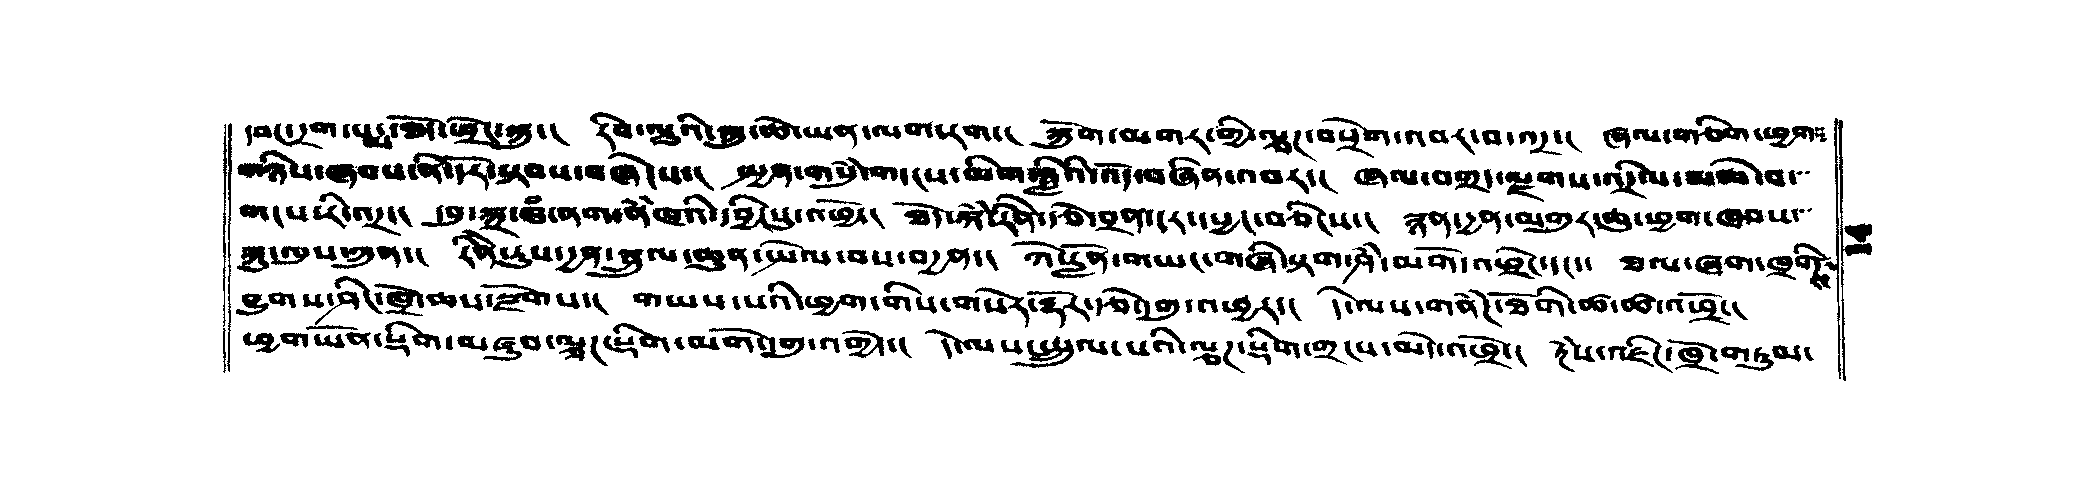དབང་དྲག་པདྨ་ཐོད་ཕྲེང་སྐུ། །རི་རབ་ལྟ་བུ་སྐུ་ཆེ་ཡན་ལག་རག་།སྐུ་མདོག་མགར་གྱི་ལྕགས་བསྲེག་འབར་བ་འདྲ། །ཞལ་གཅིག་ཕྱག་
གཉིས་ཞབས་ནི་དོར་སྟབས་བཞེངས། །སྤྱན་གསུམ་གདངས་མིག་ཉི་ཟླའི་འོད་བཞིན་འབར། །ཞལ་བགྲད་ལྗགས་འདྲིལ་མཆེ་བ་
གངས་རི་འདྲ། །དབུ་སྐྲ་ཁམ་ནག་ནམ་མཁའི་དབྱིངས་སུ་འཕྱོ། །ཐོད་སྐམ་རིན་ཆེན་རྩེ་བྲན་དར་དཔྱངས་བཅིངས། །སྙན་རྒྱན་མགུར་ཆུ་ཕྱག་ཞབས་
སྐུ་ལུས་ཀུན། །རིན་ཆེན་རུས་རྒྱན་སྦྲུལ་ཆུན་སྤེལ་བས་བརྒྱན། ། ཀོ་རློན་གཡང་གཞི་སྟག་ཤམ་མགོ་འཕྲེང་དང་། །ཐལ་ཞག་ཁྲག་གིས་
བྱུགས་ཤིང་ཁྲོ་ཆས་རྫོགས། །གཡས་པའི་ཕྱག་གིས་གསེར་རྡོར་རྩེ་དགུ་འཕྱར། །དེ་ལས་གནམ་ལྕགས་ཐོག་གི་ཚ་ཚ་འཕྲོ། 
ཕྱག་གཡས་སྡིག་མཛུབ་ལྕགས་སྡིག་མགོ་དགུ་འགྱེད། །དེ་ལས་སྤྲུལ་པའི་སྤྲུལ་པའི་ལྕགས་སྡིག་གྲངས་མེད་འཕྲོ། །རྔམས་འཇིགས་ཁྲོ་གཏུམ་